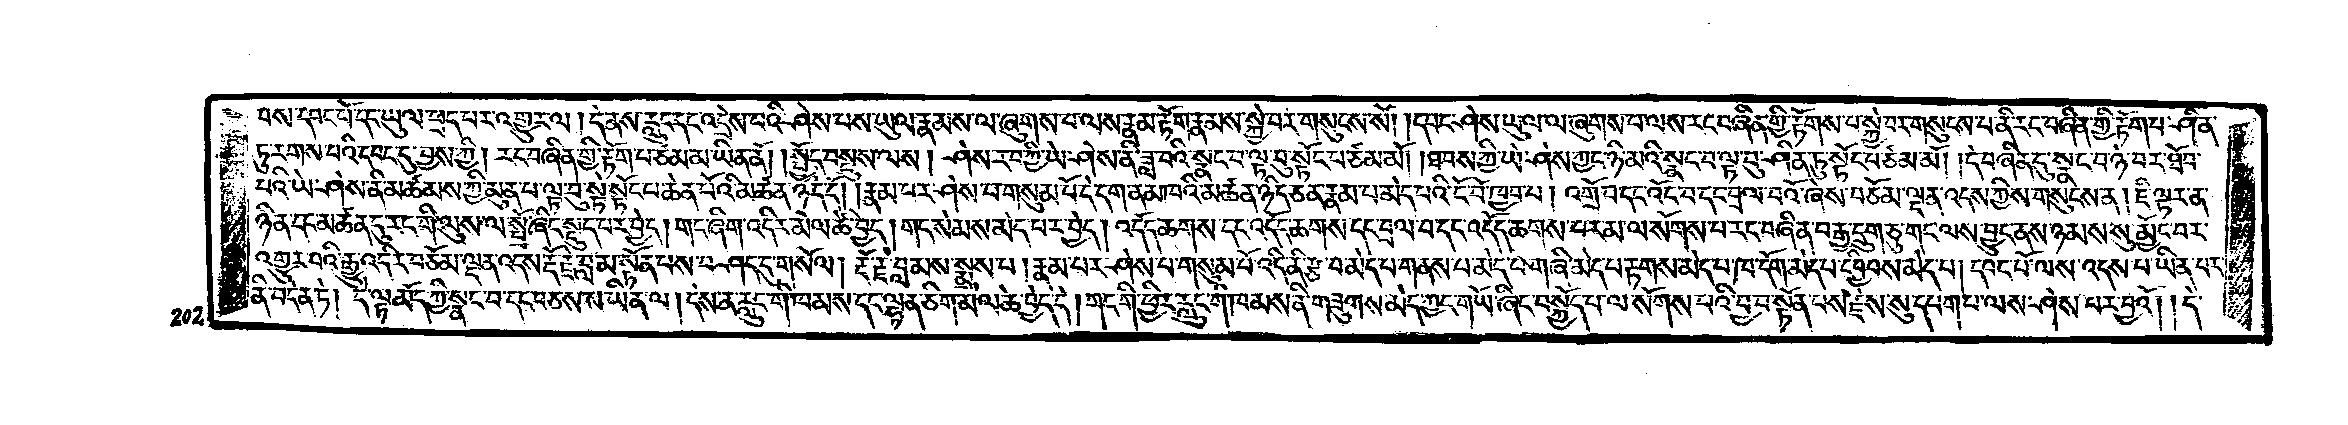བས་དབང་པོ་དང་ཡུལ་ཕྲད་པར་འགྱུར་ལ། དེ་ནས་རླུང་དང་འདྲེས་པའི་ཤེས་པས་ཡུལ་རྣམས་ལ་ཞུགས་པ་ལས་རྣམ་རྟོག་རྣམས་སྐྱེ་བར་གསུངས་སོ། །དབང་ཤེས་ཡུལ་ལ་ཞུགས་པ་ལས་རང་བཞིན་གྱི་རྟོགས་པ་སྐྱེ་བར་གསུངས་པ་ནི་རང་བཞིན་གྱི་རྟོག་པ་ཤིན་
ཏུ་རགས་པའི་དབང་དུ་བྱས་ཀྱི། རང་བཞིན་གྱི་རྟོག་པ་ཙམ་མ་ཡིན་ནོ། །སྤྱོད་བསྡུས་ལས། ཤེས་རབ་ཀྱི་ཡེ་ཤེས་ནི་ཟླ་བའི་སྣང་བ་ལྟ་བུ་སྟོང་པ་ཙམ་མོ། །ཐབས་ཀྱི་ཡེ་ཤེས་ཀྱང་ཉི་མའི་སྣང་བ་ལྟ་བུ་ཤིན་ཏུ་སྟོང་པ་ཙམ་མོ། །དེ་བཞིན་དུ་སྣང་བ་ཉེ་བར་ཐོབ་
པའི་ཡེ་ཤེས་ནི་མཚམས་ཀྱི་མུན་པ་ལྟ་བུ་སྟེ་སྟོང་པ་ཆེན་པོའི་མཚན་ཉིད་དོ། །རྣམ་པར་ཤེས་པ་གསུམ་པོ་དེ་དག་ནམ་མཁའི་མཚན་ཉིད་ཅན་རྣམ་པ་མེད་པའི་ངོ་བོ་ཁྱབ་པ། འགྲོ་བ་དང་འོང་བ་དང་བྲལ་བའོ་ཞེས་བཅོམ་ལྡན་འདས་ཀྱིས་གསུངས་ན། ཇི་ལྟར་ན་
ཉིན་དང་མཚན་དུ་རང་གི་ལུས་ལ་སྤྲོ་ཞིང་སྡུད་པར་བྱེད། གང་ཞིག་འདིར་མལ་ཚེ་བྱེད། གང་སེམས་མེད་པར་བྱེད། འདོད་ཆགས་དང་འདོད་ཆགས་དང་བྲལ་བ་དང་འདོད་ཆགས་པར་མ་ལ་སོགས་པ་རང་བཞིན་བརྒྱ་དྲུག་ཅུ་གང་ལས་བྱུང་ནས་ཉམས་སུ་མྱོང་བར་
འགྱུར་བའི་རྒྱུ་འདིར་བཅོམ་ལྡན་འདས་རྡོ་རྗེ་བླ་མ་སྟོན་པས་བཤད་དུ་གསོལ། རྡོ་རྗེ་བླ་མས་སྨྲས་པ། རྣམ་པར་ཤེས་པ་གསུམ་པོ་འདི་ནི་རྩ་བ་མེད་པ་གནས་པ་མེད་པ་གཞི་མེད་པ་རྟགས་མེད་པ་ཁ་དོག་མེད་པ་དབྱིབས་མེད་པ། དབང་པོ་ལས་འདས་པ་ཡིན་པར་
ནི་བདེན་ཏེ། དེ་ལྟ་མོད་ཀྱི་སྣང་བ་དང་བཅས་པ་ཡིན་ལ། དེས་ན་རླུང་གི་ཁམས་དང་ལྷན་ཅིག་མལ་ཆེ་བྱེད་དེ། གང་གི་ཕྱིར་རླུང་གི་ཁམས་ནི་གཟུགས་མེད་ཀྱང་གཡོ་ཞིང་བསྐྱོད་པ་ལ་སོགས་པའི་བྱ་བ་སྟོན་པས་རྗེས་སུ་དཔག་པ་ལས་ཤེས་པར་བྱའོ། །དེ་